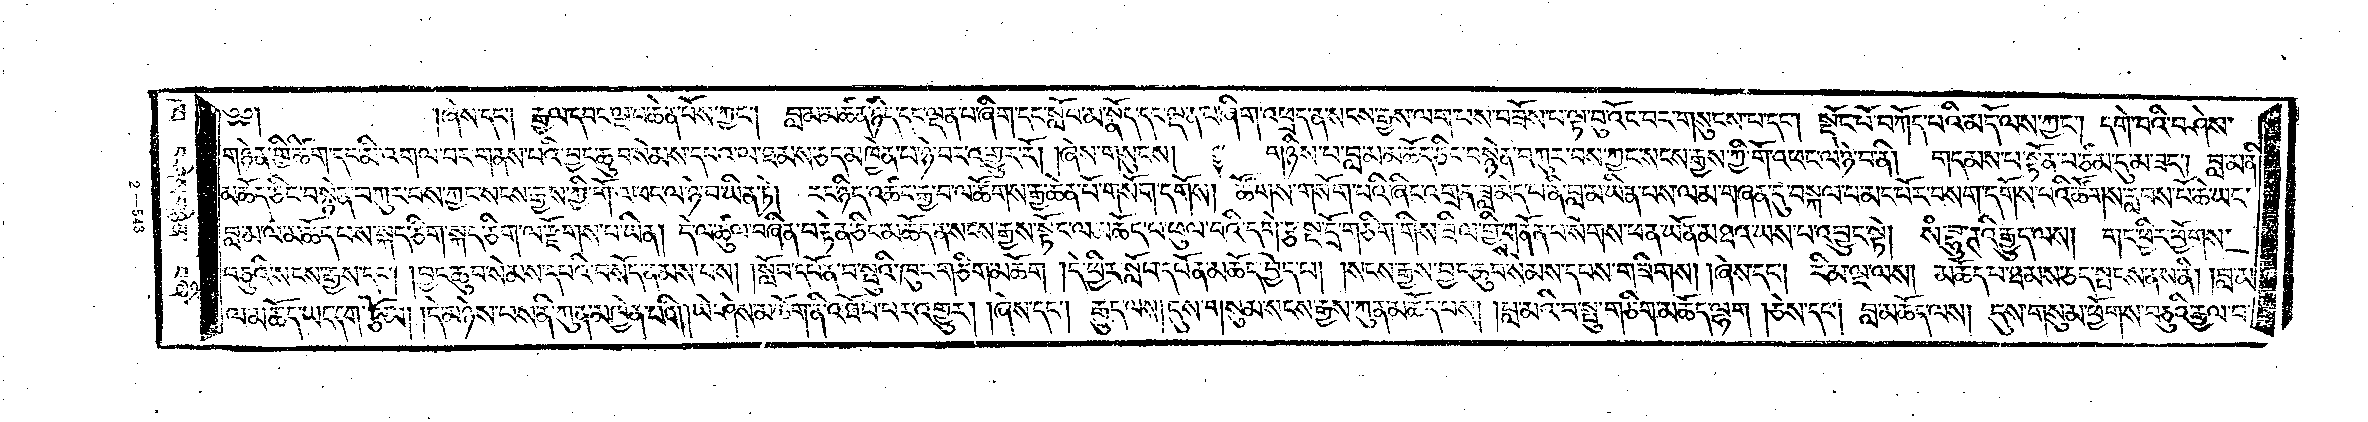༄༅། །ཞེས་དང་། རྒྱལ་དབང་ལྔ་པ་ཆེན་པོས་ཀྱང་། བླ་མ་མཚན་ཉིད་དང་ལྡན་པ་ཞིག་དང་སློབ་མ་སྣོད་དང་ལྡན་པ་ཞིག་འཕྲད་ན་སངས་རྒྱས་ལག་པས་བཟོས་པ་ལྟ་བུ་འོང་བར་གསུངས་པ་དང་། སྡོང་པོ་བཀོད་པའི་མདོ་ལས་ཀྱང་། དགེ་བའི་བཤེས་
གཉེན་གྱི་ཚིག་དང་མི་འགལ་བར་གནས་པའི་བྱང་ཆུབ་སེམས་དཔའ་ལ་ཐམས་ཅད་མཁྱེན་པ་ཉེ་བར་འགྱུར་རོ། །ཞེས་གསུངས། ༈ གཉིས་པ་བླ་མ་མཆོད་ཅིང་བསྙེན་བཀུར་བས་ཀྱང་སངས་རྒྱས་ཀྱི་གོ་འཕང་ལ་ཉེ་བ་ནི། གདམས་པ་སྟོན་པ་ཙམ་དུ་མ་ཟད། བླ་མ་ནི་
མཆོད་ཅིང་བསྙེན་བཀུར་བས་ཀྱང་སངས་རྒྱས་ཀྱི་གོ་འཕང་ལ་ཉེ་བ་ཡིན་ཏེ། རང་ཉིད་འཚང་རྒྱ་བ་ལ་ཚོགས་རྒྱ་ཆེན་པོ་གསོག་དགོས། ཚོགས་གསོག་པའི་ཞིང་འགྲན་ཟླ་མེད་པ་ནི་བླ་མ་ཡིན་པས་ལམ་གཞན་དུ་བསྐལ་པ་མང་པོར་བསག་དགོས་པའི་ཚོགས་རླབས་པོ་ཆེ་ཡང་
བླ་མ་ལ་མཆོད་པས་སྐད་ཅིག་སྐད་ཅིག་ལ་རྫོགས་པ་ཡིན། དེ་ལ་ཚུལ་བཞིན་བརྟེན་ཅིང་མཆོད་ན་སངས་རྒྱས་སྟོང་ལ་མཆོད་པ་ཕུལ་བའི་དགེ་རྩ་སྔ་དྲོ་གཅིག་གིས་ཟིལ་གྱིས་གནོན་པ་སོགས་ཕན་ཡོན་མཐའ་ཡས་པ་འབྱུང་སྟེ། སཾ་བྷུ་ཊའི་རྒྱུད་ལས། གང་ཕྱིར་ཕྱོགས་
བཅུའི་སངས་རྒྱས་དང་། །བྱང་ཆུབ་སེམས་དཔའི་བསོད་ནམས་པས། །སློབ་དཔོན་བ་སྤུའི་ཁུང་གཅིག་མཆོག །དེ་ཕྱིར་སློབ་དཔོན་མཆོད་བྱེད་པ། །སངས་རྒྱས་བྱང་ཆུབ་སེམས་དཔས་གཟིགས། །ཞེས་དང་། རིམ་ལྔ་ལས། མཆོད་པ་ཐམས་ཅད་སྤངས་ནས་ནི། །བླ་མ་
ལ་མཆོད་ཡང་དག་རྩོམ། །དེ་མཉེས་པས་ནི་ཀུན་མཁྱེན་པའི། །ཡེ་ཤེས་མཆོག་ནི་འཐོབ་པར་འགྱུར། །ཞེས་དང་། རྒྱུད་ལས། དུས་གསུམ་སངས་རྒྱས་ཀུན་མཆོད་པས། །བླ་མའི་བ་སྤུ་གཅིག་མཆོད་ལྷག །ཅེས་དང་། །བླ་མཆོད་ལས། དུས་གསུམ་ཕྱོགས་བཅུའི་རྒྱལ་བ་